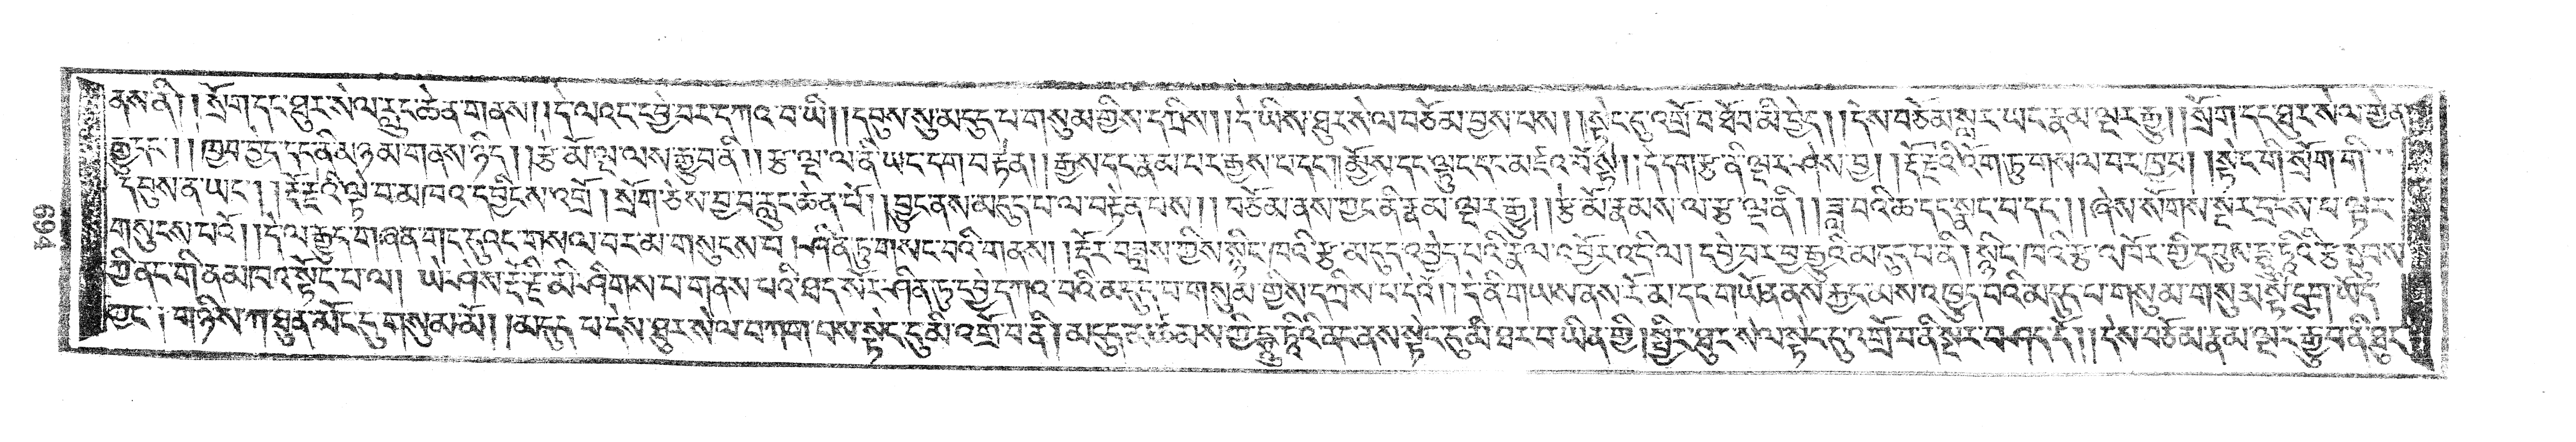ནས་ནི། །སྲོག་དང་ཐུར་སེལ་རླུང་ཆེན་གནས། །དེ་ལའང་དབྱེ་བར་དཀའ་བ་ཡི། །དབུས་སུ་མདུད་པ་གསུམ་གྱིས་དཀྲིས། །དེ་ཡིས་ཐུང་སེལ་བཅོམ་བྱས་པས། །སྟེང་དུ་འགྲོ་བ་ཐོབ་མི་བྱེད། །དེས་བཅོམ་སླར་ཡང་རྣམ་ལྔར་རྒྱུ། །སྲོག་དང་ཐུང་སེལ་གྱེན་
རྒྱུ་དང་། །ཁྱབ་བྱེད་དང་ནི་མཉམ་གནས་ཉིད། །རྩེ་མོ་ལྔ་ལས་རྒྱུ་བ་ནི། །རྩ་ལྔ་ལ་ནི་ཡང་དག་བརྟེན། །རྒྱས་དང་རྣམ་པར་རྒྱས་པ་དང་། །མྱོས་དང་ལྟུང་དང་མཛའ་བོ་སྟེ། །དེ་དག་རྩ་ནི་ལྔར་ཤེས་བྱ། །རྡོ་རྗེའི་འོག་ཏུ་གསལ་བར་ཁྱབ། །སྟེང་གི་སྲོག་གི་
དབུས་ན་ཡང་། །རྡོ་རྗེའི་ལྟེ་བ་མཁའ་དབྱིངས་འགྲོ་།སྲོག་ཅེས་བྱ་བ་རླུང་ཆེན་པོ། །བྱུང་ནས་མདུད་པ་ལ་བརྟེན་པས། །བཅོམ་ནས་ཀྱང་ནི་རྣམ་ལྔར་རྒྱུ། །རྩེ་མོ་རྣམས་ལ་རྩ་ལྔ་ནི། །ཟླ་བའི་ཆ་དང་སྣང་བ་དང་། །ཞེས་སོགས་སྔར་དྲངས་པ་ལྟར་
གསུངས་པའོ། །དེ་ལ་རྒྱུད་གཞན་གང་དུའང་གསལ་བར་མ་གསུངས་པ། ཤིན་ཏུ་གསང་བའི་གནས། །རྡོར་བཟླས་ཀྱིས་སྙིང་ཁའི་རྩ་མདུད་འབྱེད་པའི་རྣལ་འབྱོར་འདི་ལ། དབྱེ་བར་བྱ་རྒྱུའི་མདུད་པ་ནི། སྙིང་ཁའི་རྩ་འཁོར་གྱི་དབུས་དྷཱུ་ཏཱིའི་རྩ་སྤུབས་
ཀྱི་ནང་གི་ནམ་མཁའ་སྟོང་པ་ལ། ཡེ་ཤེས་རྡོ་རྗེ་མི་ཤིགས་པ་གནས་པའི་ཐད་སོར་ཤིན་ཏུ་དབྱེ་དཀའ་བའི་མདུད་པ་གསུམ་གྱིས་དཀྲིས་པ་དེའོ། །དེ་ནི་གཡས་ནས་རོ་མ་དང་གཡོན་ནས་རྐྱང་མས་འཁྱུད་པའི་མདུད་པ་གསུམ་གསུམ་སྟེ་དྲུག་ཡོད་
ཀྱང་།གཉིས་ཀ་ཐུན་མོང་དུ་གསུམ་མོ། །མདུད་པ་དེས་ཐུར་སེལ་བཀག་པས་སྟེང་དུ་མི་འགྲོ་བ་ནི། མདུད་མཚམས་ཀྱི་དྷཱུ་ཏཱིའི་ནང་ནས་སྟེང་དུ་མི་ཐར་བ་ཡིན་གྱི། །སྤྱིར་ཐུར་སེལ་སྟེང་དུ་འགྲོ་བ་ནི་སྔར་བཤད་དོ། །དེས་བཅོམ་རྣམ་ལྔར་རྒྱུ་བ་ནི་ཐུར་